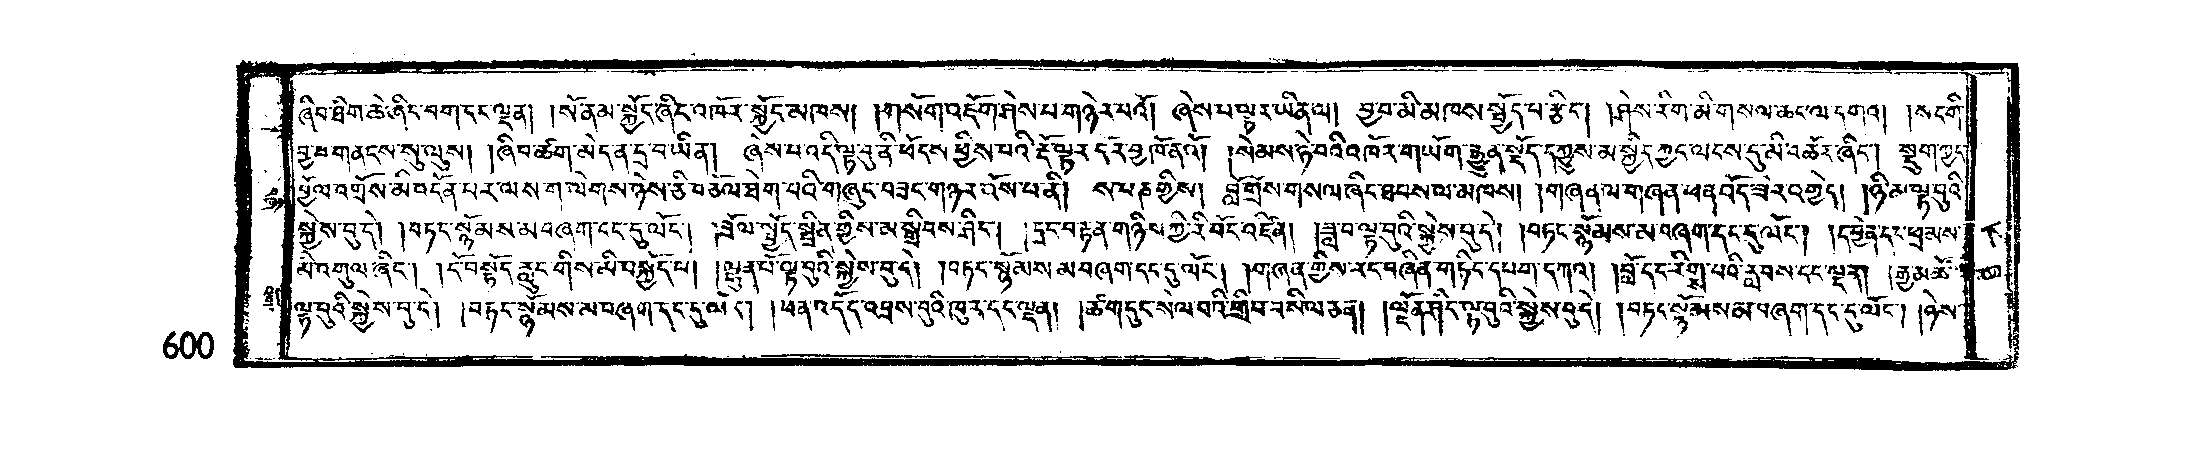ཞིབ་ཐིག་ཆེ་ཞིང་བག་དང་ལྡན། །སོ་ནམ་སྐྱོང་ཞིང་འཁོར་སྐྱོང་མཁས། །གསོག་འཇོག་ཤེས་པ་གཉེར་པའོ། ཞེས་པ་ལྟར་ཡིན་ལ། བྱ་བ་མི་མཁས་སྤྱོད་པ་རྩིང་། །ཤེས་རིག་མི་གསལ་ཆང་ལ་དགའ། །སང་གི་
བྱ་བ་གནངས་སུ་ལུས། །ཞིབ་ཚག་མེད་ན་དྲ་བ་ཡིན། ཞེས་པ་འདི་ལྟ་བུ་ནི་ཕོངས་ཕྱིས་པའི་རྡོ་ལྟར་དོར་བྱ་ཁོ་ནའོ། །སེམས་ཏེ་བའི་འཁོར་གཡོག་རྒྱུན་སྡོད་དཀྱུས་མ་སྐྱིད་ཀྱང་ལངས་དུ་མི་འཚོར་ཞིང་། སྡུག་ཀྱང་
བྱོལ་འགྲོས་མི་འདོན་པར་ལས་ག་ལེགས་ཉེས་ཅི་བཅོལ་ཐེག་པའི་གཞུང་བཟང་གཉར་འོས་པ་ནི། ས་པཎ་གྱིས། བློ་གྲོས་གསལ་ཞིང་ཐབས་ལ་མཁས། །གཞན་ལ་གཞན་ཕན་འོད་ཟེར་འགྱེད། །ཉི་མ་ལྟ་བུའི་
སྐྱེས་བུ་དེ། །བཏང་སྙོམས་མ་བཞག་ངང་དུ་ལོང་། །ཟོལ་སྤྱོད་སྤྲིན་གྱིས་མ་སྒྲིབས་ཤིང་། །དྲང་བརྟན་གཉིས་ཀྱི་རི་བོང་འཛིན། །ཟླ་བ་ལྟ་བུའི་སྐྱེས་བུ་དེ། །བཏང་སྙོམས་མ་བཞག་དང་དུ་ལོང་། །དབྱེན་དང་ཕྲ་མས་
མི་འགུལ་ཞིང་། །ངོ་བསྟོད་རླུང་གིས་མི་བསྐྱོད་པ། །ལྷུན་པོ་ལྟ་བུའི་སྐྱེས་བུ་དེ། །བཏང་སྙོམས་མ་བཞག་དང་དུ་ལོང་། །གཞན་གྱིས་རང་བཞིན་གཏིང་དཔག་དཀའ། །བློ་དང་རིགས་པའི་རླབས་དང་ལྡན། །རྒྱ་མཚོ་
ལྟ་བུའི་སྐྱེས་བུ་དེ། །བཏང་སྙོམས་མ་བཞག་དང་དུ་ལོང་། །ཕན་འདོད་འབྲས་བུའི་ཁུར་དང་ལྡན། །ཚ་གདུང་སེལ་བའི་གྲིབ་བསིལ་ཅན། །ལྗོན་ཤིང་ལྟ་བུའི་སྐྱེས་བུ་དེ། །བཏང་སྙོམས་མ་བཞག་དང་དུ་ལོང་། །ཉེས་